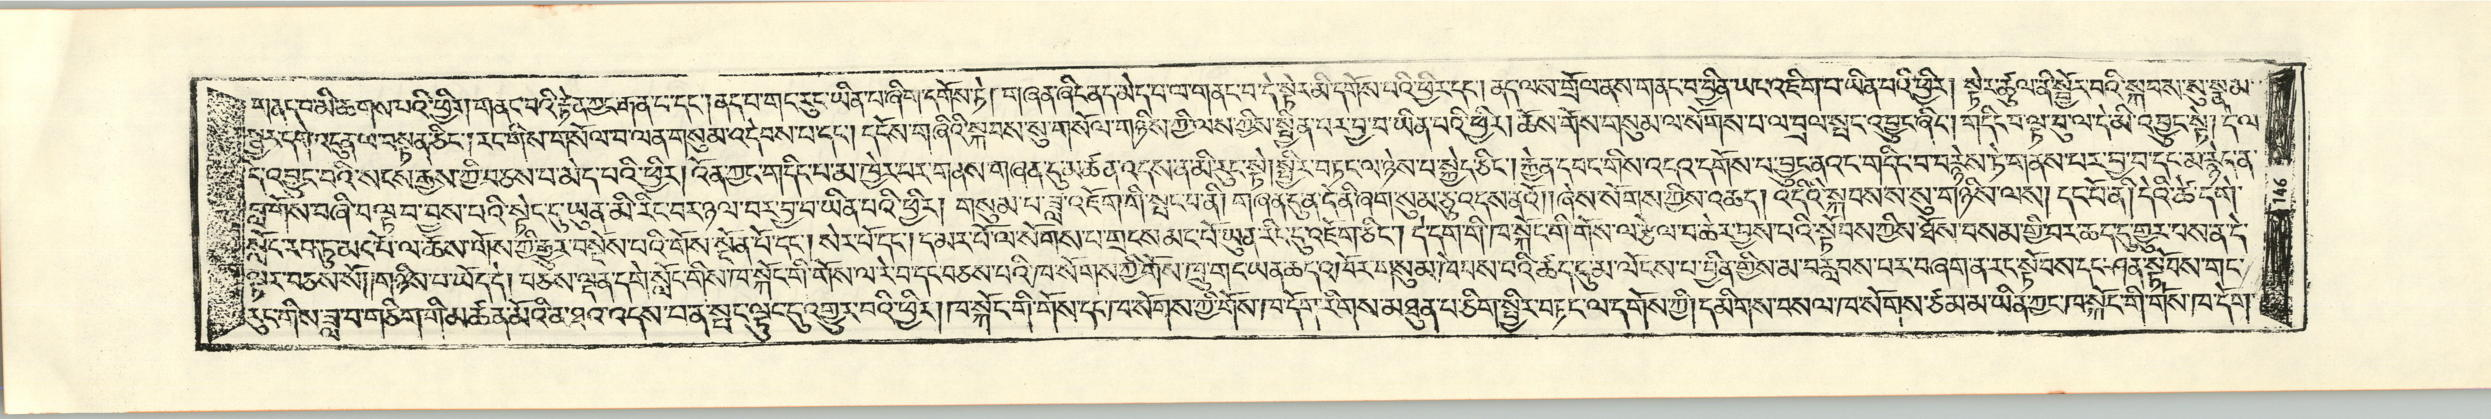གནད་བ་མི་ཆགས་པའི་ཕྱིར། གནང་བའི་རྟེན་ཀྱང་རྒན་པ་དང་། ནད་པ་གང་རུང་ཡིན་པ་ཞིག་དགོས་ཏེ། གཞན་ཞིང་ནད་མེད་པ་ལ་གནང་བ་དེ་སྟེར་མི་དགོས་པའི་ཕྱིར་དང་། ནད་ལས་གྲོལ་ནས་གནང་བ་བྱིན་ཡང་འཇིག་པ་ཡིན་པའི་ཕྱིར། སྟེར་ཚུལ་ནི་སྦྱོར་བའི་སྐབས་སུ་སྣམ་
སྦྱར་དགེ་འདུན་ལ་བསྟན་ཅིང་། རང་གིས་གསོལ་བ་ལན་གསུམ་འདེབས་པ་དང་། དངོས་གཞིའི་སྐབས་སུ་གསོལ་གཉིས་ཀྱི་ལས་ཀྱིས་སྦྱིན་པར་བྱ་བ་ཡིན་པའི་ཕྱིར། ཆོས་གོས་གསུམ་ལ་སོགས་པ་ལ་བྲལ་སྤང་འབྱུང་ཞིང་། གདིང་བ་ལྟ་བུ་ལ་དེ་མི་འབྱུང་སྟེ། དེ་ལ་
དེ་འབྱུང་བའི་སངས་རྒྱས་ཀྱི་བཅས་པ་མེད་པའི་ཕྱིར། འོན་ཀྱང་གདིང་པ་མ་ཁྱེར་པར་གནས་གཞན་དུ་མཚན་འདས་ན་མི་རུང་སྟེ། སྤྱིར་བཏང་ལ་ཉེས་པ་སྐྱེད་ཅིང་། རྐྱེན་དབང་གིས་འདའ་དགོས་པ་བྱུང་ནའང་གདིང་བ་བརྙེས་ཏེ་གནས་པར་བྱ་བ་དང་མ་རྙེད་ན་
བླ་གོས་བཞི་བལྟ་བ་བྱས་པའི་སྟེང་དུ་ཡུན་མི་རིང་བར་ཉལ་བར་བྱ་བ་ཡིན་པའི་ཕྱིར། གསུམ་པ་ཟླ་འཇོག་གི་སྤང་པ་ནི། གཞན་དུ་ན་དེ་ནི་ཞག་སུམ་ཅུ་འདས་ནའོ། །ཞེས་སོགས་ཀྱིས་འཆད། འདིའི་སྐབས་སུ་གཉིས་ལས། དང་པོ་ནི། དེའི་ཚེ་དགེ་
སློང་རབ་ཏུ་མང་པོ་ལ་ཆོས་གོས་ཀྱི་རྒྱུར་བསྔོས་པའི་གོས་སྔོན་པོ་དང་། སེར་པོ་དང་། དམར་པོ་ལ་སོགས་པ་གྲངས་མང་པོ་ཡུན་རིང་དུ་འཇོག་ཅིང་། དེ་དག་གི་ཁ་སྐོང་གི་གོས་ལ་རྩེལ་བ་ཆེར་བྱས་པའི་སྟོབས་ཀྱིས་ཐོས་བསམ་གྱི་བར་ཆད་དུ་གྱུར་པས་ན་དེ་
ལྟར་བཅས་སོ། །གཉིས་པ་ཡོད་དེ། བཅས་ལྡན་དགེ་སློང་གིས་ཁ་སྐོང་གི་གོས་ལ་རེ་བ་དང་བཅས་པའི་ཁ་སོགས་ཀྱི་གོས་ཁྲུ་གང་ཡན་ཆད་འཁོར་གསུམ་ཁེབས་པའི་ཚད་དུ་མ་ལོངས་པ་བྱིན་གྱིས་མ་བརླབས་པར་བཞག་ན་རང་སྟོབས་དང་ཤན་སྟོབས་གང་
རུང་གིས་ཟླ་བ་གཅིག་གི་མཚན་མོའི་མཐའ་འདས་པ་ན་སྤང་ལྟུང་དུ་འགྱུར་བའི་ཕྱིར། ཁ་སྐོང་གི་གོས་དང་ཁ་སོགས་ཀྱི་གོས་ཁ་དོག་རིགས་མཐུན་པ་ཅིག་སྤྱིར་བཏང་ལ་དགོས་ཀྱི། དམིགས་བསལ་ཁ་སོགས་ཙམ་མ་ཡིན་ཀྱང་ཁ་སྐོང་གི་གོས་ཁ་དོག་